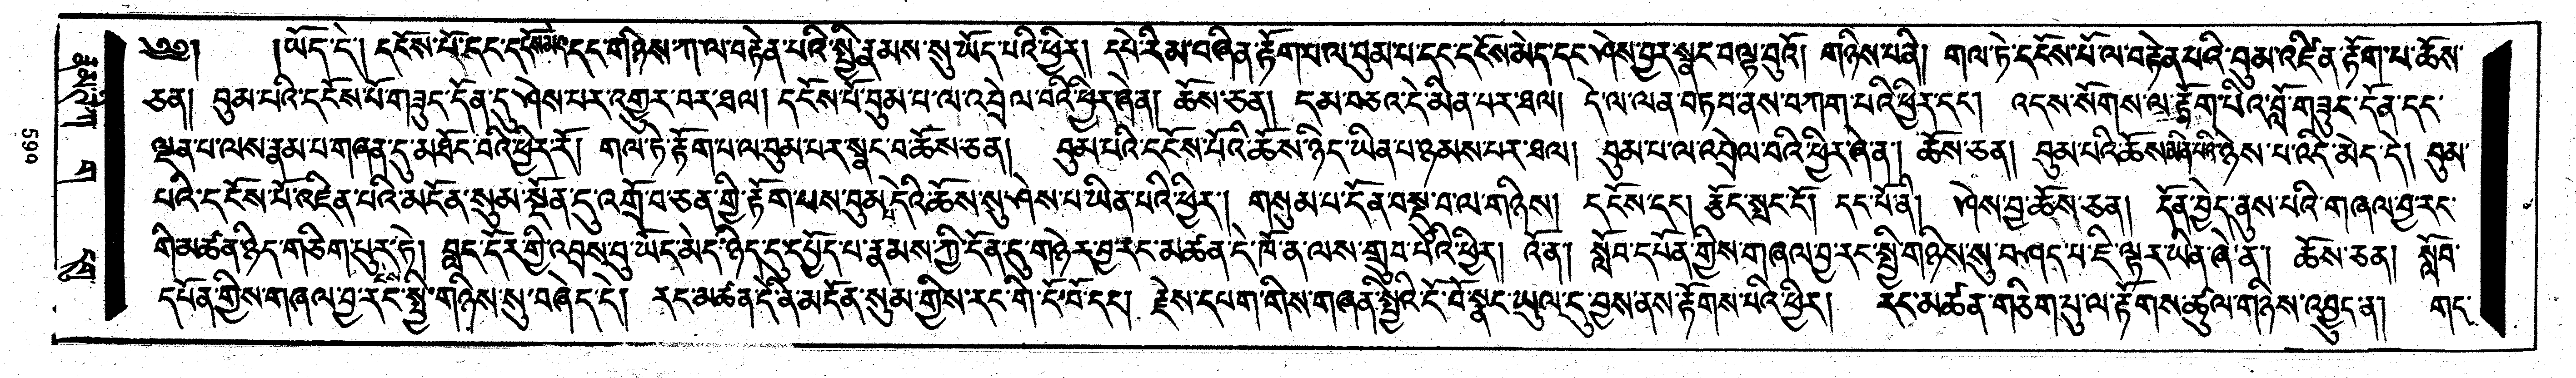༄༅། །ཡོད་དེ། དངོས་པོ་དང་དངོས་མེད་དང་གཉིས་ཀ་ལ་བརྟེན་པའི་སྤྱི་རྣམས་སུ་ཡོད་པའི་ཕྱིར། དཔེ་རིམ་བཞིན་རྟོག་པ་ལ་བུམ་པ་དང་དངོས་མེད་དང་ཤེས་བྱར་སྣང་བལྟ་བུའོ། གཉིས་པ་ནི། གལ་ཏེ་དངོས་པོ་ལ་བརྟེན་པའི་བུམ་འཛིན་རྟོག་པ་ཆོས་
ཅན། བུམ་པའི་དངོས་པོ་གཟུང་དོན་དུ་ཤེས་པར་འགྱུར་བར་ཐལ། དངོས་པོ་བུམ་པ་ལ་འབྲེལ་བའི་ཕྱིར་ཞེ་ན། ཆོས་ཅན། དམ་བཅའ་དེ་མིན་པར་ཐལ། དེ་ལ་ལན་བཏབ་ནས་བཀག་པའི་ཕྱིར་དང་། འདས་སོགས་ལ་རྟོག་པའི་བློ་གཟུང་དོན་དང་
ལྡན་པ་ལས་རྣམ་པ་གཞན་དུ་མཐོང་བའི་ཕྱིར་རོ། གལ་ཏེ་རྟོག་པ་ལ་བུམ་པར་སྣང་བ་ཆོས་ཅན། བུམ་པའི་དངོས་པོའི་ཆོས་ཉིད་ཡིན་པ་ཉམས་པར་ཐལ། བུམ་པ་ལ་འབྲེལ་བའི་ཕྱིར་ཞེ་ན། ཆོས་ཅན། བུམ་པའི་ཆོས་མིན་པའི་ཉེས་པ་འདི་མེད་དེ། བུམ་
པའི་དངོས་པོ་འཛིན་པའི་མངོན་སུམ་སྡོན་དུ་འགྲོ་བ་ཅན་གྱི་རྟོག་པས་བུམ་པ་དེའི་ཆོས་སུ་ཤེས་པ་ཡིན་པའི་ཕྱིར། གསུམ་པ་དོན་བསྡུ་བ་ལ་གཉིས། དངོས་དང་། རྩོད་སྤང་ངོ། དང་པོ་ནི། ཤེས་བྱ་ཆོས་ཅན། དོན་བྱེད་ནུས་པའི་གཞལ་བྱ་རང་
གི་མཚན་ཉིད་གཅིག་པུར་ངས་ཏེ། བླང་དོར་གྱི་འབྲས་བུ་ཡོད་མེད་ཉིད་དུ་དཔྱོད་པ་རྣམས་ཀྱི་དོན་དུ་གཉེར་བྱ་རང་མཚན་དེ་ཁོ་ན་ལས་གྲུབ་པའི་ཕྱིར། འོ་ན། སློབ་དཔོན་གྱིས་གཞལ་བྱ་རང་སྤྱི་གཉིས་སུ་བཤད་པ་ཇི་ལྟར་ཡིན་ཞེ་ན། ཆོས་ཅན། སློབ་
དཔོན་གྱིས་གཞལ་བྱ་རང་སྤྱི་གཉིས་སུ་བཞེད་དེ། རང་མཚན་དེ་ནི་མངོན་སུམ་གྱིས་རང་གི་ངོ་བོ་དང་། རྗེས་དཔག་གིས་གཞན་སྤྱིའི་ངོ་བོ་སྣང་ཡུལ་དུ་བྱས་ནས་རྟོགས་པའི་ཕྱིར། རང་མཚན་གཅིག་པུ་ལ་རྟོགས་ཚུལ་གཉིས་འབྱུང་ན། གང་